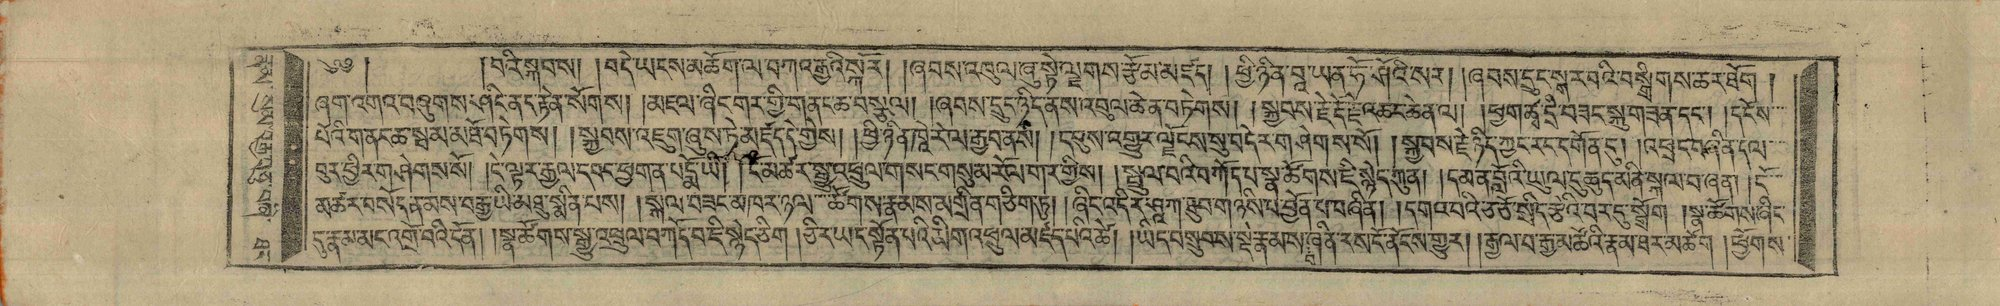༄༅། །བའི་སྐབས། །བདེ་ཡངས་མཆོག་ལ་བཀའ་རྒྱའི་སྐོར། །ཞབས་འཁུལ་ཞུ་སྟེ་ལྗགས་རྩོམ་མཛད། །ཕྱི་ཉིན་བཱ་ཡན་ཧོ་ཤོའི་སར། །ཞབས་དྲུང་སྐར་བའི་བསྒྲིགས་ཆར་ཐོག །
ཞག་འགའ་བཞུགས་ཤིང་ནང་རྟེན་སོགས། །མཇལ་ཞིང་གར་གྱི་གནང་ཆ་བསྩལ། །ཞབས་དྲུང་ཉིད་ནས་འབུལ་ཆེན་བཏེགས། །སྐྱབས་རྗེ་རྡོ་རྗེ་འཆང་ཆེན་ལ། །ཕྱག་ཚྭ་དྲི་བཟང་སྐུ་གཟན་དང་། །དངོས་
པོའི་གནང་ཆ་སྤམ་མཐོ་བཏེགས། །སྐྱབས་འཇུག་ཞུས་ཏེ་མཛད་དེ་གྱེས། །ཕྱི་ཉིན་ཁE་རེ་ལ་རྒྱབ་ནས། །དབུས་འགྱུར་ལྗོངས་སུ་བདེར་གཤེགས་སོ། །སྐྱབས་རྗེ་ཉིད་ཀྱང་རང་དགོན་དུ། །འཕྲང་བཞིན་དལ་
བུར་ཕྱིར་གཤེགས་སོ། །དེ་ལྟར་རྒྱལ་དབང་ཕྱག་ན་པདམོ་ཡི། །ངོ་མཚར་སྒྱུ་འཕྲུལ་གསང་གསུམ་རོལ་གར་གྱིས། །སྤྲུལ་བའི་བཀོད་པ་སྣ་ཚོགས་ཇི་སྙེད་ཀུན། །དམན་བློའི་ཡུལ་དུ་ཆུད་མིན་སྐལ་བ་ཞན། །ངོ་
མཚར་བསོད་ནམས་བརྒྱ་ཡི་མཐུ་སྨིན་པས། །སྐལ་བཟང་མཁར་ཉལ་ཚོགས་རྣམས་མགྲིན་གཅིག་ཏུ། །ཞིང་འདིར་ཤཱཀ་ཐུབ་གཉིས་པ་བྱོན་པ་བཞིན། །དགའ་བའི་ཅ་ཅོ་སྲིད་རྩེའི་བར་དུ་སྒྲོག །སྣ་ཚོགས་ཞིང་
དུ་རྣམ་མང་འགྲོ་བའི་དོན། །སྣ་ཚོགས་སྒྱུ་འཕྲུལ་བཀོད་བ་ཇི་སྙེད་ཅིག །ཅིར་ཡང་སྟོན་པའི་མིག་འཕྲུལ་མཛད་པའི་ཚེ། །ཡིད་བསྲུབས་སྡེ་རྣམས་བཞིན་རས་ངོ་ནོངས་གྱུར། །རྒྱལ་བ་རྒྱ་མཚོའི་རྣམ་ཐར་མཆོག །ཕྱོགས་